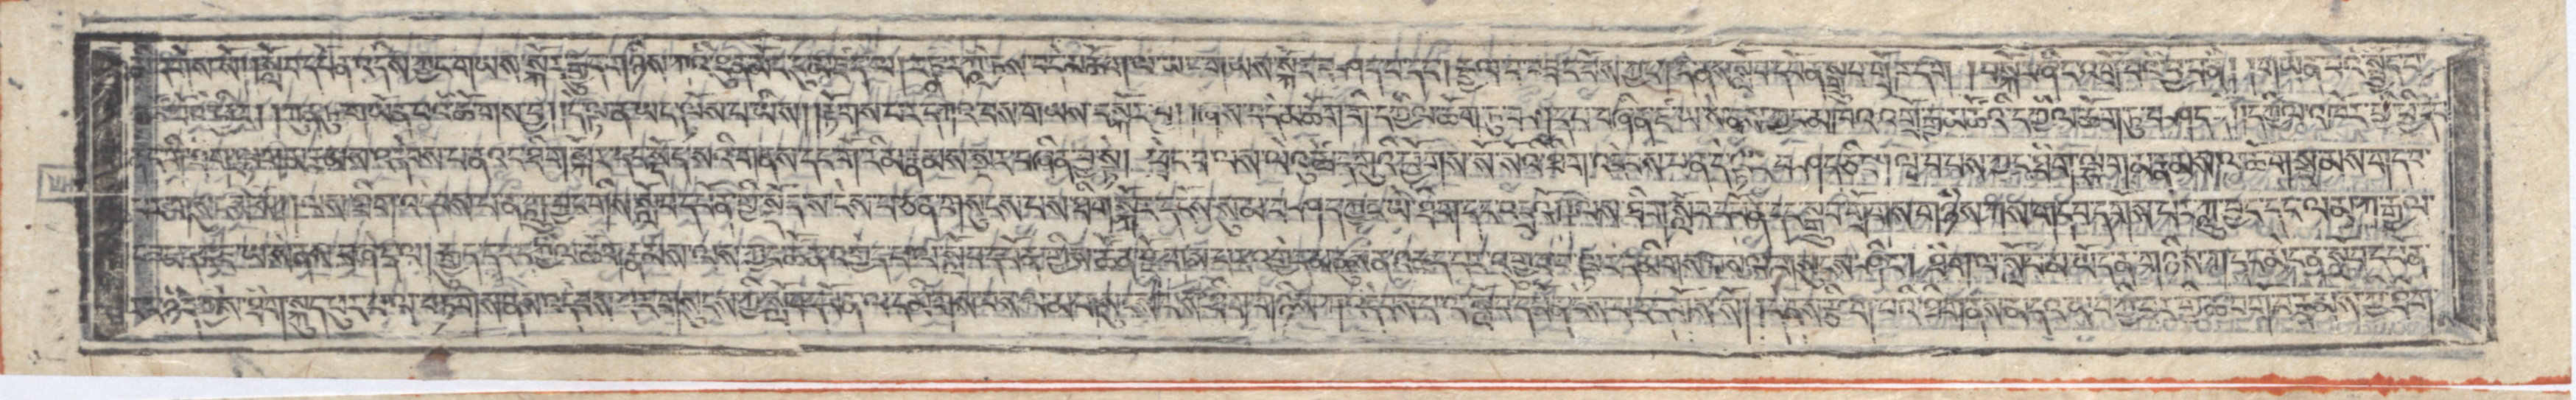མི་དགོས་སོ། །སློབ་དཔོན་འདིས་ཀྱང་གཡས་སྐོར་རྒྱུད་གཉིས་ཀའི་ཐུན་མོང་དུ་མཛད་ལ། རཏྣ་རཀྵི་ཏས་བདེ་མཆོག་ལ་ཡང་གཡས་སྐོར་བཤད་པ་དང་། རྒྱལ་བ་བཟང་པོས་ཀྱང་། དེ་ནས་སློབ་དཔོན་སྒྲུབ་གྲོགས་དག །བསྐོར་ཞིང་འགྲོ་བའི་བྱ་བ་ནི། །གཡོན་པའི་སྤྱོད་པ་
གཙོ་བོའི་ཕྱིར། །ཀུན་ཏུ་གཡོན་པའི་ཆོ་གས་བྱ། །དེ་ལྟ་ན་ཡང་ལྟོས་པ་ཡིས། །རྟོགས་པར་དཀའ་བས་གཡས་བསྐོར་བྱ། །ཞེས་བདེ་མཆོག་གི་དཀྱིལ་ཆོག་ཏུ་བཤད་པ་བཞིན་ཛ་ཡ་སེ་ནས་ཀྱང་མཁའ་འགྲོ་རྒྱ་མཚོའི་དཀྱིལ་ཆོག་ཏུ་བཤད་དོ། །དཀྱིལ་འཁོར་གྱི་ཕྱི་དང་
ནང་གི་ཐིག་ལྷག་མ་རྣམས་འདེབས་པ་ནའང་ཐིག་སྐོར་དང་སྡོད་སའི་གནས་དང་གོ་རིམ་རྣམས་སྔར་བཞིན་བྱ་སྟེ། ཕྲེང་བ་ལས་ལེའུ་ཚེ་དགུའི་ཕྱོགས་སོ་སོའི་ཐིག་འདེབས་པ་ན་དེ་ལྟར་བཤད་ཅིང་། ལྭ་བ་པས་ཀྱང་ཐིག་ལྷག་མ་རྣམས་ལ་ཆོ་ག་སྔ་མས་གདབ་
པར་གསུངས་སོ། །ལས་ཐིག་འདེབས་པ་ན་ཀླུ་བྱང་གིས་སློབ་དཔོན་གྱི་སྡོད་ས་ངེས་པ་ཅན་གསུངས་པས་ཐིག་སྐོར་དངོས་སུ་མ་བཤད་ཀྱང་ཡེ་ཐིག་དང་འདྲའོ། །ལས་ཐིག་སློབ་དཔོན་དང་སྒྲུབ་གྲོགས་གཉིས་ཀས་གདབ་དགོས་པར་ཀླུ་བྱང་དང་ལམ་ཀ་རྒྱལ་
བཟང་དང་ཇ་ཡ་སེ་ནས་བཞེད་ལ། རྒྱུད་དང་དཀྱིལ་ཆོག་རྣམས་ལས་ཀྱང་ཚོན་འགྱེད་པ་ལ་སློབ་དཔོན་གྱིས་ཚོན་རྫོགས་པར་འགྱེད་མ་ནུས་ན་འཆད་པར་འགྱུར་བ་ལྟར་དམིགས་བསལ་གསུངས་ཤིང་། ཐིག་ལ་སློབ་མ་ཡོད་ན་གཉིས་ཀ་དང་མེད་ན་སློབ་དཔོན་
རང་ཉིད་ཀྱིས་ཐིག་སྐུད་ཕུར་པ་ལ་བཏགས་ནས་འདེབས་པར་གསུངས་ཀྱི་སློབ་དཔོན་ལ་དམིགས་བསལ་མ་གསུངས་པས་ཐིག་གཉིས་ཀ་འདེབས་པ་ལ་སློབ་དཔོན་ངེས་པར་དགོས་སོ། །དེ་ནས་རྩིག་པའི་ཐིག་ནས་མདའ་ཡབ་ཀྱི་བར་གྱི་ཆ་བགོ་བ་རྣམས་ཀྱི་ཐིག་